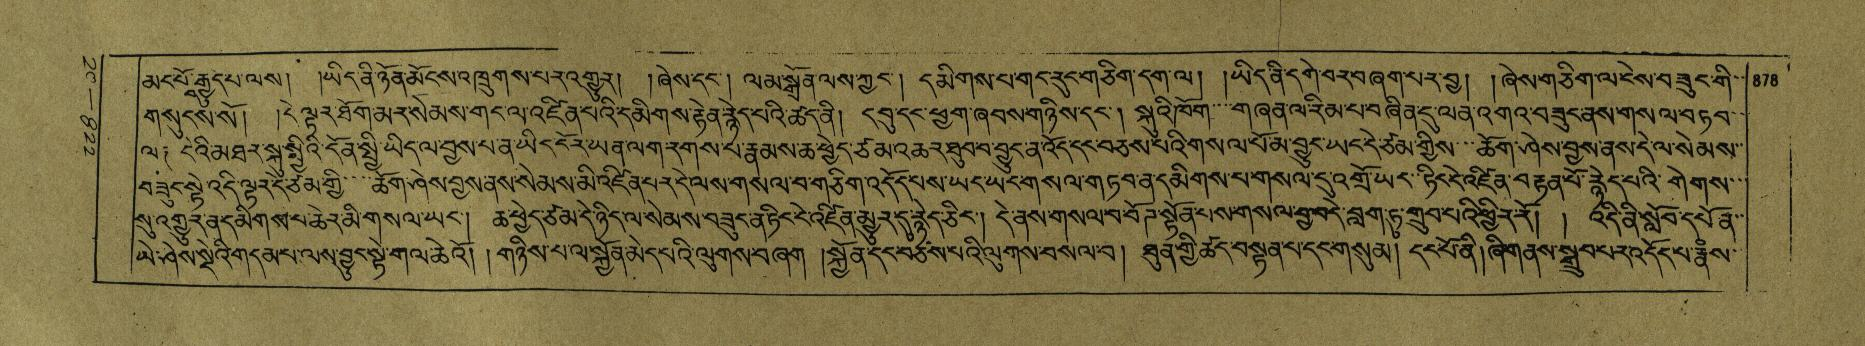མང་པོ་བརྒྱུད་པ་ལས། །ཡིད་ནི་ཉོན་མོངས་འཁྲུགས་པར་འགྱུར། །ཞེས་དང་། ལམ་སྒྲོན་ལས་ཀྱང་། དམིགས་པ་གང་རུང་གཅིག་དག་ལ། །ཡིད་ནི་དགེ་བར་བཞག་པར་བྱ། །ཞེས་གཅིག་ལ་ངེས་བཟུང་གི་
གསུངས་སོ། །དེ་ལྟར་ཐོག་མར་སེམས་གང་ལ་འཛིན་པའི་དམིགས་རྟེན་རྙེད་པའི་ཚད་ནི། དབུ་དང་ཕྱག་ཞབས་གཉིས་དང་། སྐུའི་ཁོག་གཞན་ལ་རིམ་པ་བཞིན་དུ་ལན་འགའ་བཟུང་ནས་གསལ་བཏབ་
ལ༑ དེའི་མཐར་སྐུ་སྤྱིའི་དོན་སྤྱི་ཡིད་ལ་བྱས་པ་ན་ཡིད་ངོར་ཡན་ལག་རགས་པ་རྣམས་ཆ་ཕྱེད་ཙམ་འཆར་ཐུབ་པ་བྱུང་ན་འོད་དང་བཅས་པའི་གསལ་པོ་མ་བྱུང་ཡང་དེ་ཙམ་གྱིས་ཆོག་ཤེས་བྱས་ནས་དེ་ལ་སེམས་
བཟུང་སྟེ་འདི་ལྟར་དེ་ཙམ་གྱི་ཆོག་ཤེས་བྱས་ནས་སེམས་མི་འཛིན་པར་དེ་ལས་གསལ་བ་གཅིག་འདོད་པས་ཡང་ཡང་གསལ་གཏབ་ན་དམིགས་པ་གསལ་དུ་འགྲོ་ཡང་ཏིང་ངེ་འཛིན་བརྟན་པོ་རྙེད་པའི་གེགས་
སུ་འགྱུར་ན་དམིགས་པ་ཆེར་མི་གསལ་ཡང་། ཆ་ཕྱེད་ཙམ་དེ་ཉིད་ལ་སེམས་བཟུང་ན་ཏིང་ངེ་འཛིན་མྱུར་དུ་རྙེད་ཅིང་། དེ་ནས་གསལ་བ་བོཌ་སྟོན་པས་གསལ་བྱ་བདེ་བླག་ཏུ་གྲུབ་པའི་ཕྱིར་རོ། །འདི་ནི་སློབ་དཔོན་
ཡེ་ཤེས་སྡེའི་གདམ་པ་ལས་བྱུང་སྟེ་གལ་ཆེའོ། །གཉིས་པ་ལ་སྐྱོན་མེད་པའི་ལུགས་བཞག །སྐྱོན་དང་བཅས་པའི་ལུགས་བསལ་བ། ཐུན་གྱི་ཚད་བསྟན་པ་དང་གསུམ། དང་པོ་ནི། ཞི་གནས་སྒྲུབ་པར་འདོད་པ་རྣཾ་